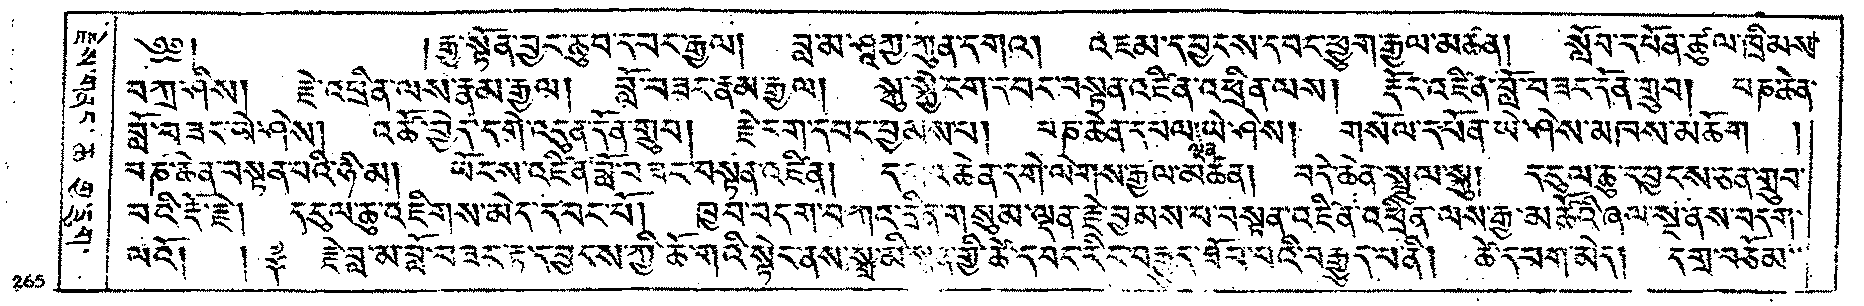༄༅། །རྒྱ་སྟོན་བྱང་ཆུབ་དབང་རྒྱལ། བླ་མ་ཤཱཀྱ་ཀུན་དགའ། འཇམ་དབྱངས་དབང་ཕྱུག་རྒྱལ་མཚན། སློབ་དཔོན་ཚུལ་ཁྲིམས་
བཀྲ་ཤིས། རྗེ་འཕྲིན་ལས་རྣམ་རྒྱལ། བློ་བཟང་རྣམ་རྒྱལ། སྐུ་སྐྱེ་ངག་དབང་བསྟན་འཛིན་འཕྲིན་ལས། རྡོར་འཛིན་བློ་བཟང་དོན་གྲུབ། པཎ་ཆེན་
བློ་བཟང་ཡེ་ཤེས། འཚོ་བྱེད་དགེ་འདུན་དོན་གྲུབ། རྗེ་ངག་དབང་བྱམས་པ། པཎ་ཆེན་དཔལ་ལྡན་ཡེ་ཤེས། གསོལ་དཔོན་ཡེ་ཤེས་མཁས་མཆོག །
པཎ་ཆེན་བསྟན་པའི་ཉི་མ། ཡོངས་འཛིན་བློ་བཟང་བསྟན་འཛིན། དཀའ་ཆེན་དགེ་ལེགས་རྒྱལ་མཚན། བདེ་ཆེན་སྤྲུལ་སྐུ། དངུལ་ཆུ་དབྱངས་ཅན་གྲུབ་
པའི་རྡོ་རྗེ། དངུལ་ཆུ་འཇིགས་མེད་དབང་པོ། ཁྱབ་བདག་བཀའ་དྲིན་གསུམ་ལྡན་རྗེ་བྱམས་པ་བསྟན་འཛིན་འཕྲིན་ལས་རྒྱ་མཚོའི་ཞལ་སྔ་ནས་བདག་
ལའོ། །༈ རྗེ་བླ་མ་བློ་བཟང་རྟ་དབྱངས་ཀྱི་ཆོ་གའི་སྟེང་ནས་སྒྲ་མི་སྙན་གྱི་ཚེ་དབང་རིང་བརྒྱུད་ཐོབ་པའི་བརྒྱུད་པ་ནི། ཚེ་དཔག་མེད། དགྲ་བཅོམ་